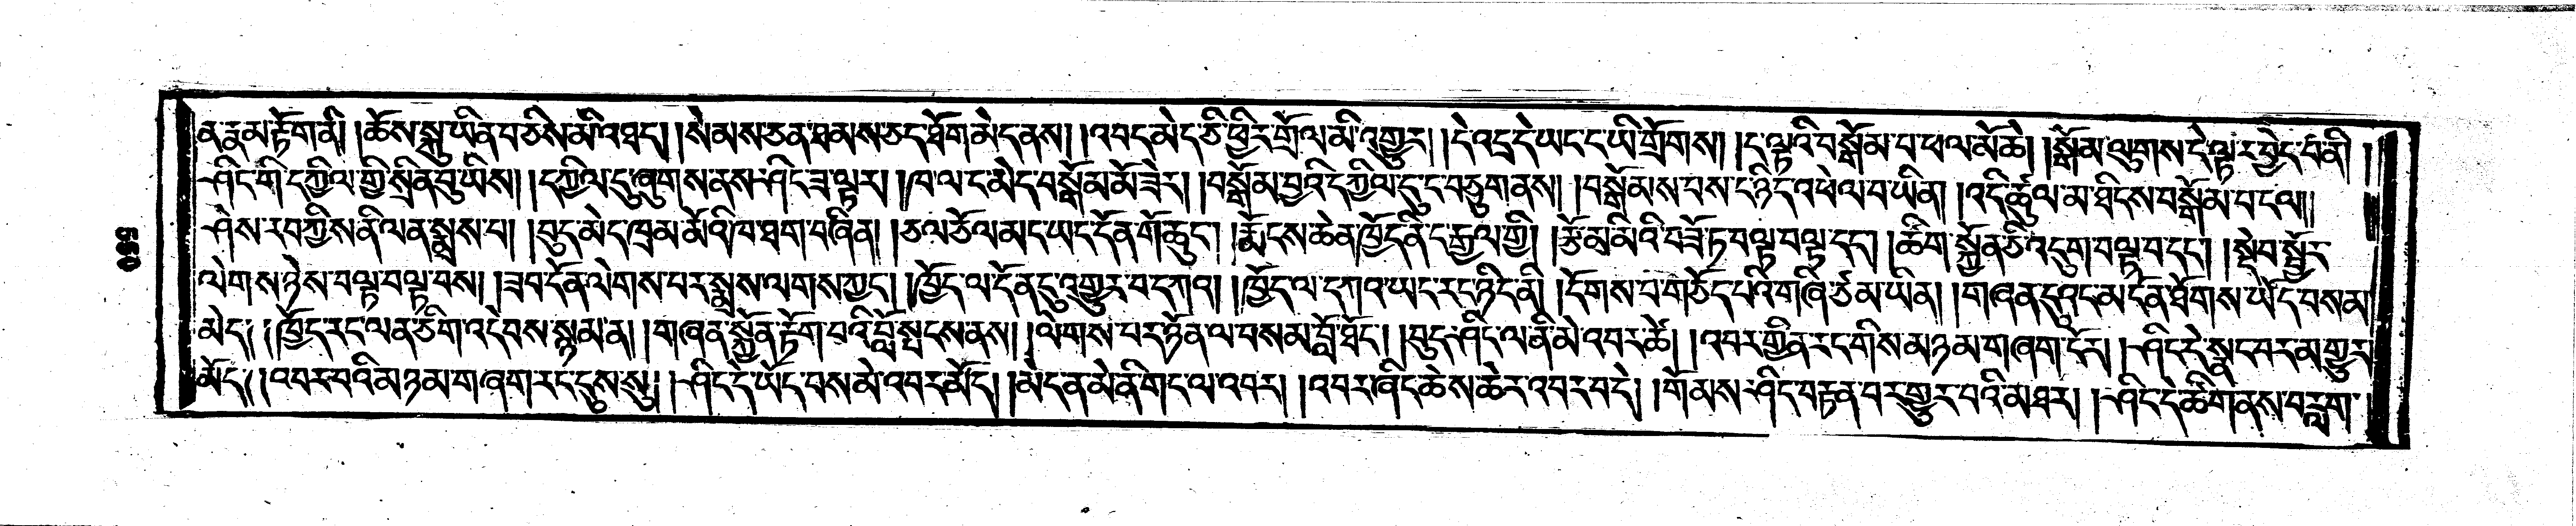ན་རྣམས་རྟོག་ནི། །ཆོས་སྐུ་ཡིན་པ་ཅིས་མི་འཐད། །སེམས་ཅན་ཐམས་ཅད་ཐོག་མེད་ནས། །འབད་མེད་ཅི་ཕྱིར་གྲོལ་མི་འགྱུར། །དེ་འདྲ་དེ་ཡང་ང་ཡི་གྲོགས། །ད་ལྟའི་བསྒོམ་པ་ཕལ་མོ་ཆེ། །སྒོམ་ལུགས་དེ་ལྟར་བྱེད་པ་ནི།།
ཤིང་གི་དཀྱིལ་གྱི་སྲིན་བུ་ཡིས། །དཀྱིལ་དུ་ཞུགས་ནས་ཤིང་ཟ་ལྟར། །ཁ་ལ་ང་མེད་བསྒོམ་མོ་ཟེར། །བསྒོམ་བྱའི་དཀྱིལ་དུ་ང་བཅུག་ནས། །བསྒོས་པས་ང་ཉིད་འཕེལ་བ་ཡིན། །འདི་ཚུལ་མ་ཐིངས་བསྒོམ་པ་ངལ།།
ཤེས་རབ་ཀྱིས་ནི་ལན་སྨྲས་པ། །བུད་མེད་ཁྲམ་མོའི་ཁ་ཐག་བཞིན། །ཅལ་ཅོལ་མང་ཡང་དོན་གོ་ཆུང་། །རྨོངས་ཆེན་ཁྱོད་ནི་ང་རྒྱལ་གྱི། །རྩོམ་མིའི་བཟོ་ཏ་བལྟ་བལྟ་དང་། །ཚིག་སྐྱོན་ཅི་འདུག་བལྟ་བ་དང་། སྡེབ་སྦྱོར་
ལེགས་ཉེས་བལྟ་བལྟ་བས། །ཟབ་དོན་ལེགས་པར་སྨྲས་ལགས་ཀྱང་། །ཁྱོད་ལ་དོན་དུ་འགྱུར་བ་དཀའ། །ཁྱོད་ལ་དཀའ་ཡང་རང་ཉིད་ནི། །དོགས་པ་གཅོད་པའི་གཞི་ཙམ་ཡིན། །གཞན་དུའང་མངོན་ཐོགས་ཡོད་བསམ་
མེད༑ ༑ཁྱོད་རང་ལན་ཅིག་འདེབས་སྙམ་ན། །གཞན་སྐྱོན་རྟོག་པའི་བློ་སྤངས་ནས། །ལེགས་པར་ཉོན་ལ་བསམ་བློ་ཐོང་། །བུད་ཤིང་ལ་ནི་མེ་འབར་ཚེ། །འབར་གྱི་ན་རང་གིས་མཉམ་གཞག་ངོར། །ཤིང་དེ་སྣང་བར་མ་གྱུར་
མོད༑ ༑འབར་བའི་མཉམ་གཞག་རང་དུས་སུ། །ཤིང་དེ་ཡོད་པས་མེ་འབར་མོད། །མེད་ན་མེ་ནི་གང་ལ་འབར། །འབར་ཞིང་ཆེས་ཆེར་འབར་བ་དེ། །གོམས་ཤིང་བརྟན་པར་གྱུར་པའི་མཐར། །ཤིང་དེ་ཚིག་ནས་བརླག་